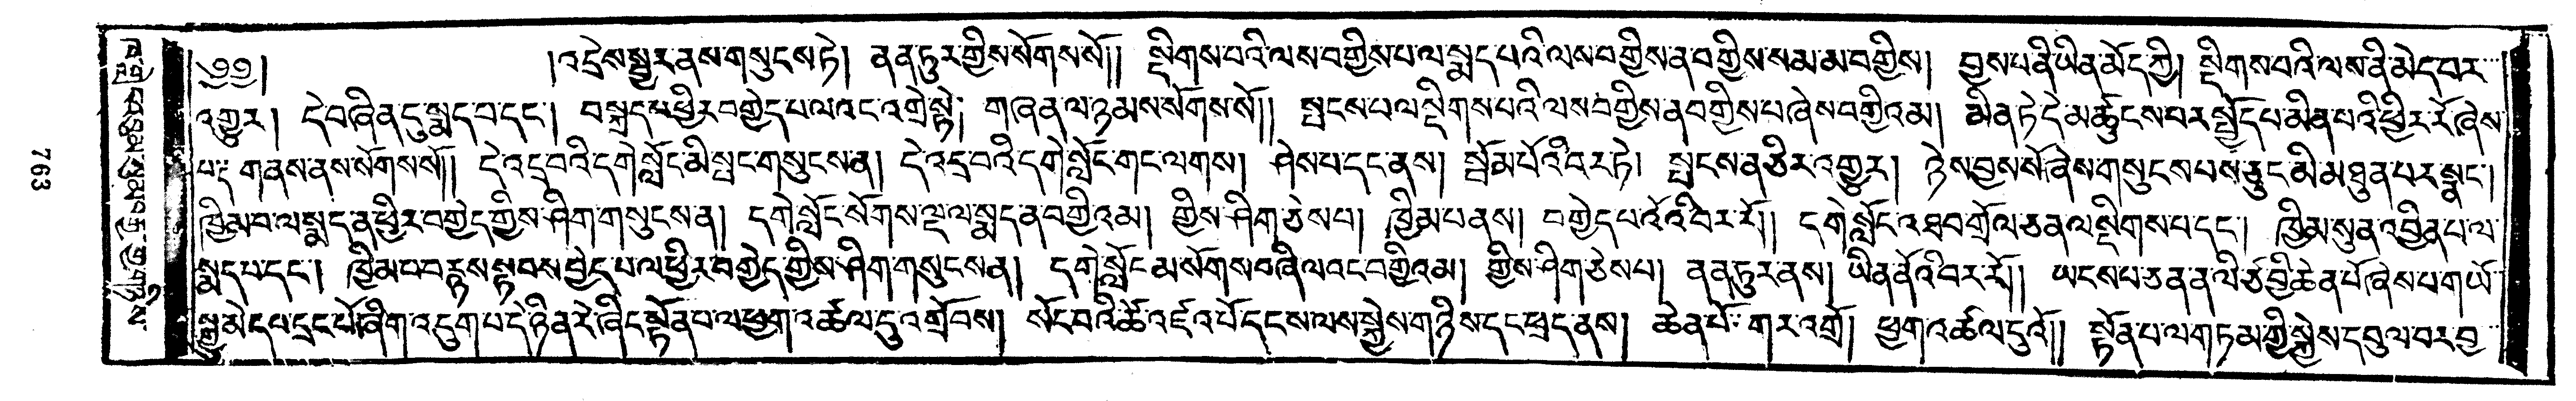༄༅། །འདྲེས་སྦྱར་ནས་གསུངས་ཏེ། ནན་ཏུར་གྱིས་སོགས་སོ།། སྡིགས་པའི་ལས་བགྱིས་པ་ལ་སྨད་པའི་ལས་བགྱིས་ན་བགྱིས་སམ་མ་བགྱིས། བྱས་པ་ནི་ཡིན་མོད་ཀྱི། སྡིགས་པའི་ལས་ནི་མེད་པར་
འགྱུར། དེ་བཞིན་དུ་སྨད་པ་དང་། བསྐྲད་པ་ཕྱིར་བགྱེད་པ་ལའང་འགྲེ་སྟེ། གཞན་ལ་ཉམས་སོགས་སོ།། སྤངས་པ་ལ་སྡིགས་པའི་ལས་བགྱིས་ན་བགྱིས་པ་ཞེས་བགྱིའམ། མིན་ཏེ་དེ་མཚུངས་པར་སྤྱོད་པ་མིན་པའི་ཕྱིར་རོ་ཞེས་
པ༑ གནས་ནས་སོགས་སོ།། དེ་འདྲ་བའི་དགེ་སློང་མི་སྤང་གསུངས་ན། དེ་འདྲ་བའི་དགེ་སློང་གང་ལགས། ཤེས་པ་དང་ནས། སྦོམ་པོའི་བར་ཏེ། སྤངས་ན་ཅིར་འགྱུར། ཉེས་བྱས་སོ་ཞེས་གསུངས་པས་ཅུང་མི་མཐུན་པར་སྣང་།
ཁྱིམ་བ་ལ་སྨད་ན་ཕྱིར་བགྱེད་གྱིས་ཤིག་གསུངས་ན། དགེ་སློང་སོགས་ལྔ་ལ་སྨད་ན་བགྱི་འམ། གྱིས་ཤིག་ཅེས་པ། ཁྱིམ་པ་ནས། བགྱེད་པ་འོའི་བར་རོ།། དགེ་སློང་འཐབ་གྲོལ་ཅན་ལ་སྡིགས་པ་དང་། ཁྱིམ་སུན་འབྱིན་པ་ལ་
སྨད་པ་དང་། ཁྱིམ་པ་བརྙས་སྟབས་བྱེད་པ་ལ་ཕྱིར་བགྱེད་གྱིས་ཤིག་གསུངས་ན། དགེ་སློང་མ་སོགས་བཞི་ལའང་བགྱིའམ། གྱིས་ཤིག་ཅེས་པ། ནན་ཏུར་ནས། ཡིན་ནོའི་བར་རོ།། ཡངས་པ་ཅན་ན་ལི་ཙ་བྱི་ཆེན་པོ་ཞེས་པ་གཡོ་
སྒྱུ་མེད་པ་དྲང་པོ་ཞིག་འདུག་པ་དེ་ཉིན་རེ་ཞིང་སྟོན་པ་ལ་ཕྱག་འཚལ་དུ་འགྲོ་བས། སོང་བའི་ཚེ་འཛའ་པོ་དང་ས་ལས་སྐྱེས་གཉིས་དང་ཕྲད་ནས། ཆེན་པོ༑ གར་འགྲོ། ཕྱག་འཚལ་དུའོ།། སྟོན་པ་ལ་གཏམ་གྱི་སྐྱེས་དབུལ་བར་བྱ་